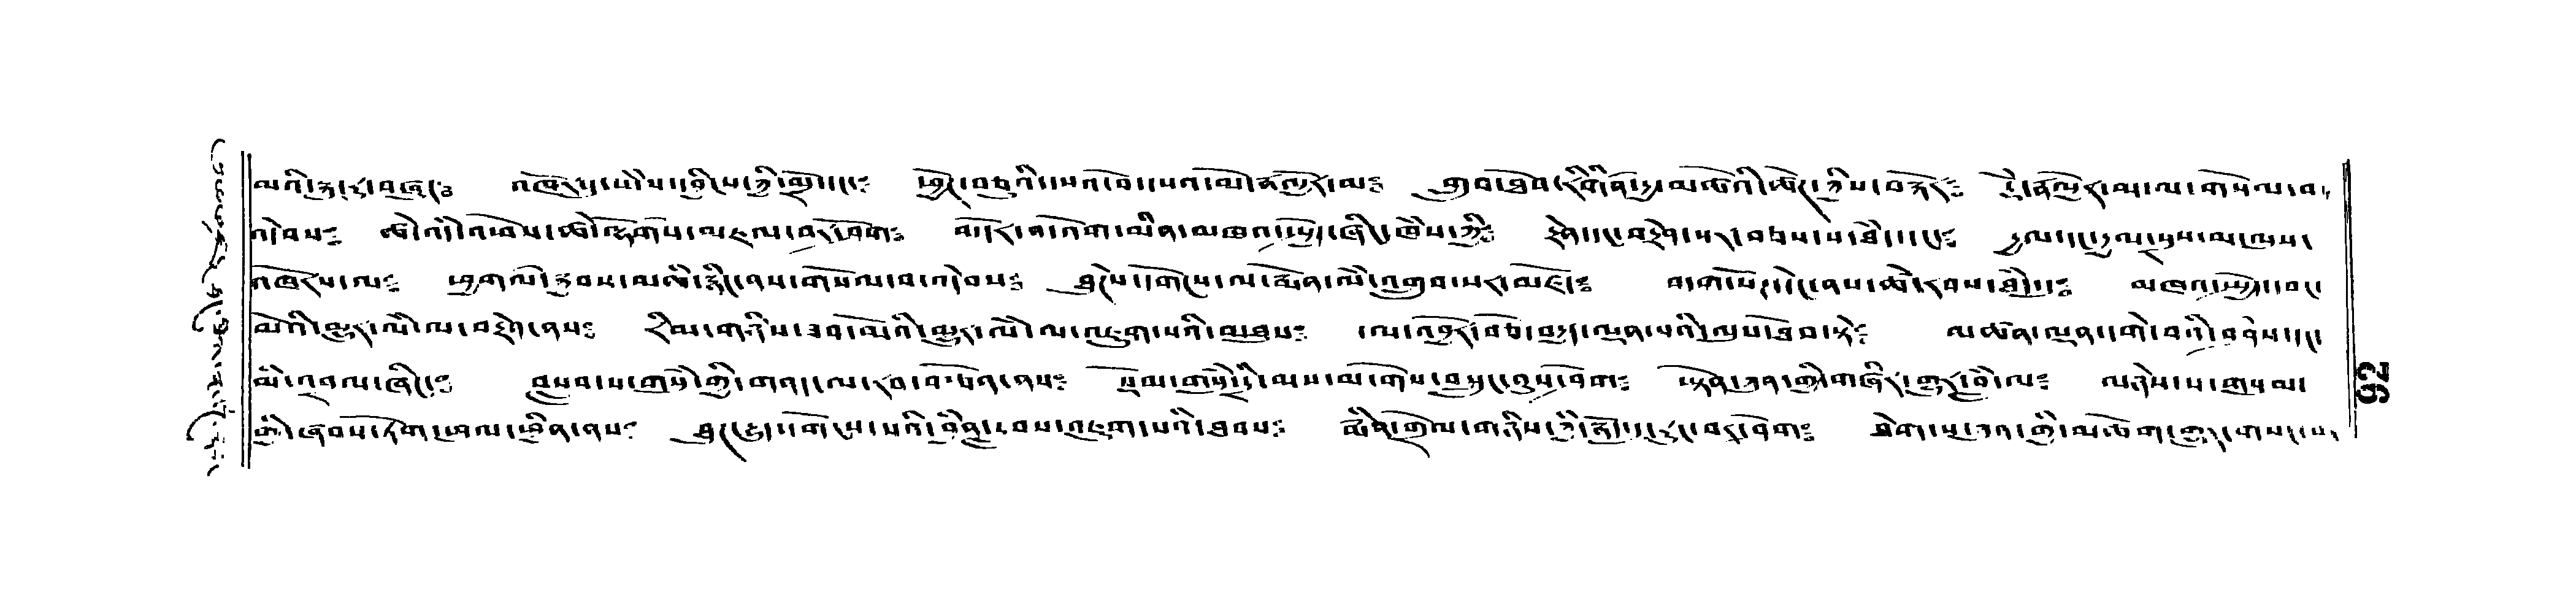མའི་སྐུ་རུ་བཞུགས༔ འཁོར་དུ་ཡེ་ཤེས་དབྱིངས་ཀྱི་མཁའ་འགྲོ་དང༔ ཕྱོགས་བཅུའི་དཔའ་བོ་དཔའ་མོ་རྣལ་འབྱོར་མ༔ གྲུབ་ཐོབ་རིག་འཛིན་རྒྱ་མཚོའི་ཚོགས་ཀྱིས་བསྐོར༔ རྡོ་རྗེ་རྣལ་འབྱོར་མ་ལ་གསོལ་བ་
འདེབས༔ ཚེ་འདི་འཕོས་ཚེ་ལྷ་ཚོགས་མཇལ་བར་ཤོག༔ མདོར་ན་འོག་མིན་མཁའ་སྤྱོད་ཞིང་ཁམས་ཀྱི༔ རྟེན་དང་བརྟེན་པར་བཅས་པ་ཐམས་ཅད་དང༔ རྒྱལ་དང་རྒྱལ་སྲས་མ་ལུས་
འཁོར་བཅས་ལ༔ ཕྱག་འཚལ་སྐྱབས་མཆི་སྙིང་ནས་གསོལ་བ་འདེབས༔ ཐུགས་རྗེས་དགོངས་ལ་སྨོན་ལམ་འགྲུབ་པར་མཛོད༔ བདག་སོགས་དེང་ནས་ཚེ་རབས་ཐམས་ཅད་དུ༔ མཁའ་སྤྱོད་དབང་
མོའི་མྱུར་ལམ་ལ་བརྟེན་ནས༔ རིམ་གཉིས་ཟབ་མོའི་ལམ་ལ་འཇུག་པའི་མཐུས༔ དཔལ་འབྱོར་བཅོ་བརྒྱད་ལྡན་པའི་ལུས་ཐོབ་སྟེ༔ མཚན་ལྡན་དགེ་བའི་བཤེས་དང་
མི་འབྲལ་ཞིང༔ བསླབ་པ་གསུམ་གྱི་གནད་ལ་རབ་བརྩོན་ནས༔ སྡོམ་གསུམ་དྲི་མས་མ་གོས་བསྲུང་ནུས་ཤོག༔ཡོན་ཏན་ཀུན་གྱི་གཞིར་གྱུར་བླ་མ་ལ༔ མཉེས་པ་གསུམ་
གྱི་ཞབས་ཏོག་ཕུལ་ཕྱིན་ནས༔ ཐུགས་རྒྱུད་དགོངས་པའི་བྱིན་རླབས་འཇུག་པའི་ཐབས༔སྨིན་གྲོལ་གཉིས་ཀྱི་སྣོད་དུ་རུང་བར་ཤོག༔ ཐེག་པ་ཀུན་གྱི་མཆོག་གྱུར་གསང་བ་